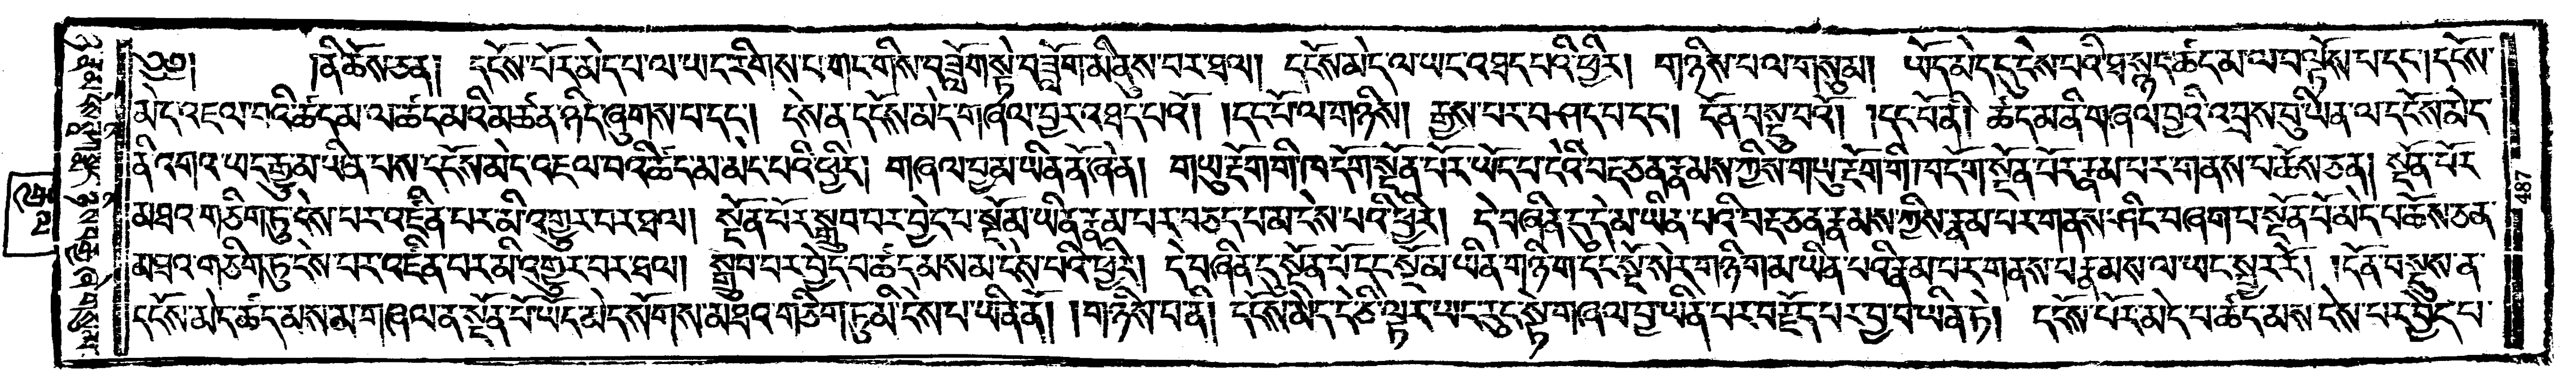༄༅། །ནི་ཆོས་ཅན། དངོས་པོར་མེད་པ་ལ་ཡང་རིགས་པ་གང་གིས་བཟློག་སྟེ་བཟློག་མི་ནུས་པར་ཐལ། དངོས་མེད་ལ་ཡང་འཐད་པའི་ཕྱིར། གཉིས་པ་ལ་གསུམ། ཡོད་མེད་དུ་ངེས་པའི་ཐ་སྙད་ཚད་མ་ལ་བལྟོས་པ་དང་། དངོས་
མེད་འཇལ་བའི་ཚད་མ་ལ་ཚད་མའི་མཚན་ཉིད་ཞུགས་པ་དང་། དེས་ན་དངོས་མེད་གཞལ་བྱར་འཐད་པའོ། །དང་པོ་ལ་གཉིས། རྒྱས་པར་བཤད་པ་དང་། དོན་བསྡུ་བའོ། །དང་པོ་ནི། ཚད་མ་ནི་གཞལ་བྱའི་འབྲས་བུ་ཡིན་ལ་དངོས་མེད་
ནི་འགའ་ཡང་རྒྱུ་མ་ཡིན་པས་དངོས་མེད་འཇལ་བའི་ཚད་མ་མེད་པའི་ཕྱིར། གཞལ་བྱ་མ་ཡིན་ནོ་ཞེ་ན། གཡུ་རྡོག་གི་ཁ་དོག་སྔོན་པོར་ཡོད་པ་དེའི་བརྡ་ཅན་རྣམས་ཀྱིས་གཡུ་རྡོག་གི་ཁ་དོག་སྔོན་པོར་རྣམ་པར་གནས་པ་ཆོས་ཅན། སྔོན་པོར་
མཐའ་གཅིག་ཏུ་ངེས་པར་འཛིན་པར་མི་འགྱུར་བར་ཐལ། སྔོན་པོར་སྒྲུབ་པར་བྱེད་པ་སྔོམ་ཡིན་རྣམ་པར་བཅད་པ་མ་ངེས་པའི་ཕྱིར། དེ་བཞིན་དུ་དེ་མ་ཡིན་པའི་བརྡ་ཅན་རྣམས་ཀྱིས་རྣམ་པར་གནས་ཤིང་བཞག་པ་སྔོན་པོ་མེད་པ་ཆོས་ཅན་
མཐའ་གཅིག་ཏུ་ངེས་པར་འཛིན་པར་མི་འགྱུར་བར་ཐལ། སྒྲུབ་པར་བྱེད་པ་ཚད་མས་མ་ངེས་པའི་ཕྱིར། དེ་བཞིན་དུ་སྔོན་པོ་དང་སྔོ་མ་ཡིན་གཉི་ག་དང་སྔོ་སེར་གཉི་ག་མ་ཡིན་པའི་རྣམ་པར་གནས་པ་རྣམས་ལ་ཡང་སྦྱར་རོ། །དོན་བསྡུས་ན་
དངོས་མེད་ཚད་མས་མ་གཞལ་ན་སྔོན་པོ་ཡོད་མེད་སོགས་མཐའ་གཅིག་ཏུ་མི་ངེས་པ་ཡིན་ནོ། །གཉིས་པ་ནི། དངོས་མེད་དེ་ཅི་ལྟར་ཡང་རུང་སྟེ་གཞལ་བྱ་ཡིན་པར་བརྗོད་པར་བྱ་བ་ཡིན་ཏེ། དངོས་པོར་མེད་པ་ཚད་མས་ངེས་པར་བྱེད་པ་